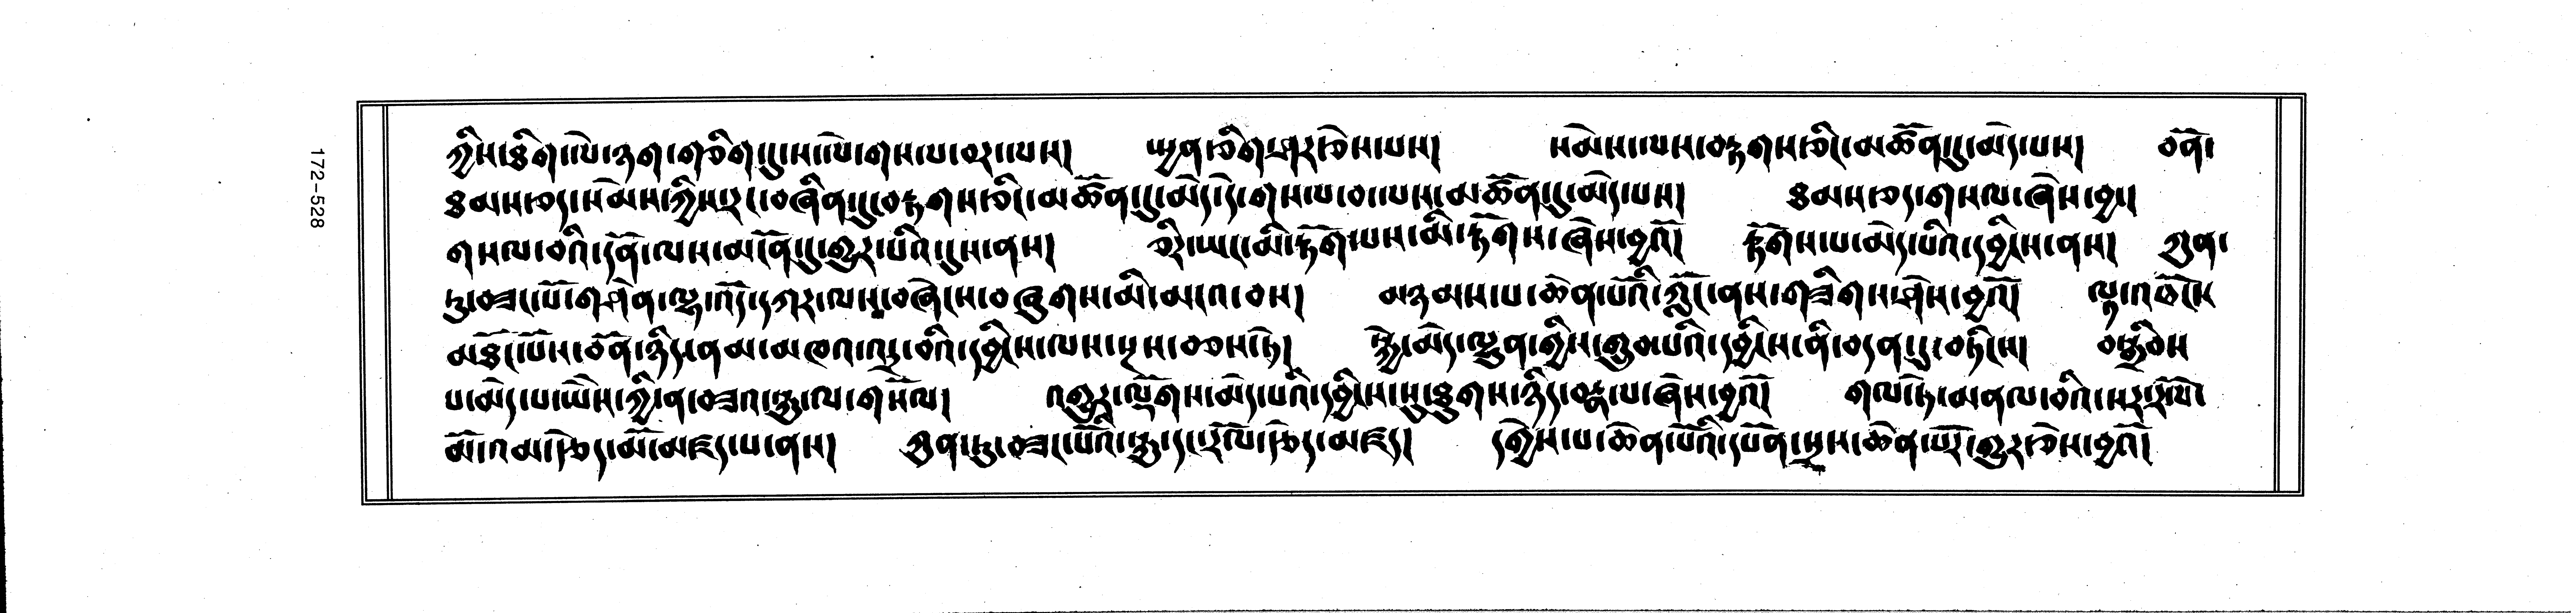ཐིག་ལེ་ཉག་གཅིག་དུ་ས་ལེ་གསལ་བར་ལས། སྤྱན་ཅིག་ཤར་ཅེས་པས། སེམས་ལས་བརྟགས་ཅིང་མཚོན་དུ་མེད་པས། བོན་
ཐམས་ཅད་སེམས་ཀྱིས་རང་བཞིན་དུ་བརྟགས་ཅིང་མཚོན་དུ་མེད་དེ་གསལ་བ་ལས་མཚོན་དུ་མེད་པས། ཐམས་ཅད་གསལ་ཞེས་བྱ། 
གསལ་བའི་དོན་ལས་མངོན་དུ་གྱུར་པའི་དུས་ནས། ཅིར་ཡང་མི་རྟོགས་པས་མི་རྟོགས་ཞེས་བྱའོ། རྟོགས་པ་མེད་པའི་དབྱིངས་ནས། ཀུན་
ཏུ་བཟང་པོ་གཤེན་ལྷ་འོད་དཀར་ལས་བཞེངས་བཞུགས་མི་མངའ་བས། མཉམ་པ་ཆེན་པོའི་ཀློང་ནས་གཟིགས་ཤེས་བྱའོ། ལྟ་འཕོངས་
མཐོང་པོས་བོན་ཉིད་ནམ་མཁའ་འདྲ་བའི་དབྱིངས་ལས་སྔས་བཅས་ཏེ། སྐྱེ་མེད་ལྷུན་གྱིས་གྲུབ་པའི་དབྱིངས་ནི་བདན་དུ་བཏིངས། བསྒྲིབས་
པ་མེད་པ་ཡེ་ཤེས་ཀྱི་ན་བཟའ་སྐུ་ལ་གསོལ། འགྱུར་ལྡོག་མེད་པའི་དབྱིངས་སུ་ཐུགས་ཉིད་བརྣལ་ཞེས་བྱའོ། གལ་ཏེ་མནལ་བའི་སར་རོལ་
མོ་འམ་རྩེད་མོ་མཛད་པ་ནས། ཀུན་ཏུ་བཟང་པོའི་སྐུ་དང་རོལ་རྩེད་མཛད། དགྱེས་པ་ཆེན་པོའི་དཔོན་སྲས་ཆེན་པོ་གྱུར་ཅེས་བྱའོ།